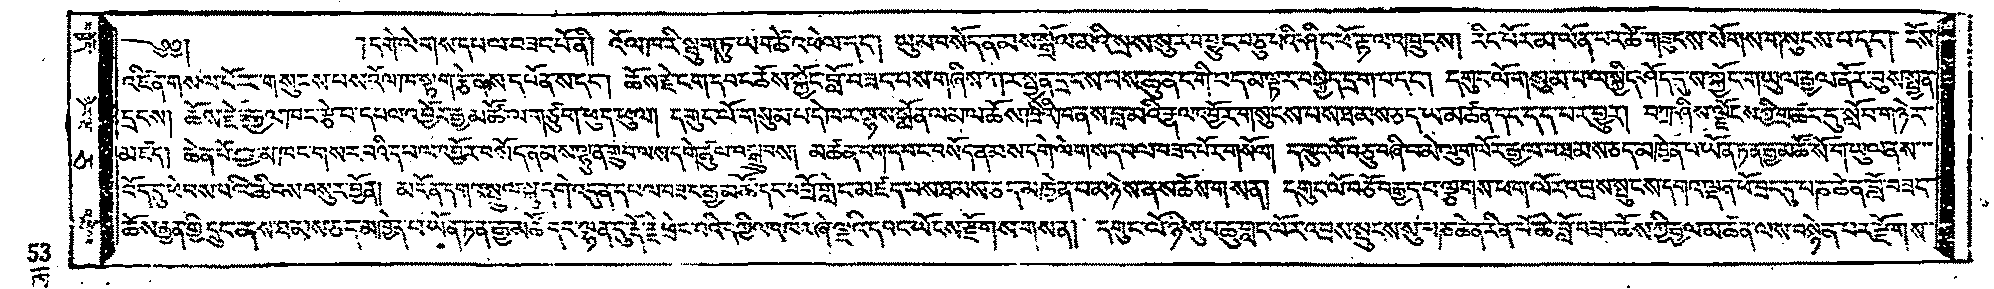༄༅། །དགེ་ལེགས་དཔལ་བཟང་པོ་ནི། འོལ་ཁ་རི་སྦུག་ཏུ་ཡབ་ཚེ་འཕེལ་དང་། ཡུམ་བསོད་ནམས་སྒྲོལ་མའི་སྲས་སུ་རབ་བྱུང་བཅུ་པའི་ཤིང་ཕོ་རྟ་ལ་འཁྲུངས། རིང་པོར་མ་ལོན་པར་ཚེ་གཟུངས་སོགས་གསུངས་པ་དང་། ངོས་
འཛིན་གསལ་པོར་གསུངས་པས་འོལ་ཁ་སྟག་རྩེ་ནས་དཔོན་ས་དང་། ཆོས་རྗེ་ངག་དབང་ཆོས་སྐྱོང་བློ་བཟང་པས་གཞིས་ཀར་སྤྱན་དྲངས་པས་ཆུ་ནང་གི་པད་མ་ལྟར་བསྐྱེད་དྲག་པ་དང་། དགུང་ལོ་གསུམ་པ་ལ་སྐྱིད་ཤོད་དུ་ས་སྐྱོང་གཡུལ་རྒྱལ་ནོར་བུས་སྤྱན་
དྲངས། ཆོས་རྗེ་རྒྱལ་ཁང་རྩེ་པ་དཔལ་འབྱོར་རྒྱ་མཚོ་ལ་གཙུག་ཕུད་ཕུལ། དགུང་ལོ་གསུམ་པ་དེ་ཁར་ལྷ་ས་སྨོན་ལམ་ལ་ཆོས་ཁྲིའི་ཁ་ནས་བླ་མའི་རྣལ་འབྱོར་གསུངས་པས་ཐམས་ཅད་ཡ་མཚན་དང་དད་པར་གྱུར། བཀྲ་ཤིས་ལྗོངས་ཀྱི་གྲ་ཚང་དུ་སློབ་གཉེར་
མཛད། ཆེན་པོ་བྱ་མ་ཁང་གསར་བའི་དཔལ་འབྱོར་བསོད་ནམས་ལྷུན་གྲུབ་ལས་དགེ་ཚུལ་བསྒྲུབས། མཚན་ངག་དབང་བསོད་ནམས་དགེ་ལེགས་དཔལ་བཟང་པོར་གསོལ། དགུང་ལོ་བཅུ་བཞི་པ་མེ་ལུག་ལོར་རྒྱལ་བ་ཐམས་ཅད་མཁྱེན་པ་ཡོན་ཏན་རྒྱ་མཚོ་སོག་ཡུལ་ནས་
བོད་དུ་ཕེབས་པའི་ཆིབས་བསུར་བྱོན། མངོན་དགའ་སྤྲུལ་སྐུ་དགེ་འདུན་དཔལ་བཟང་རྒྱ་མཚོ་དང་བགྲོ་གླེང་མཛད་པས་ཐམས་ཅད་མཁྱེན་པ་མཉེས་ནས་ཆོས་གསན། དགུང་ལོ་བཅོ་བརྒྱད་པ་ལྕགས་ཕག་ལོར་འབྲས་སྤུངས་དགའ་ལྡན་ཕོ་བྲང་དུ་པཎ་ཆེན་བློ་བཟང་
ཆོས་རྒྱན་གྱི་དྲུང་ནས་ཐམས་ཅད་མཁྱེན་པ་ཡོན་ཏན་རྒྱ་མཚོ་དང་ལྷན་དུ་རྡོ་རྗེ་ཕྲེང་བའི་དཀྱིལ་འཁོར་ཞེ་ལྔའི་དབང་ཡོངས་རྫོགས་གསན། དགུང་ལོ་ཉི་ཤུ་པ་ཆུ་གླང་ལོར་འབྲས་སྤུངས་སུ་པཎ་ཆེན་རིན་པོ་ཆེ་བློ་བཟང་ཆོས་ཀྱི་རྒྱལ་མཚན་ལས་བསྙེན་པར་རྫོགས་